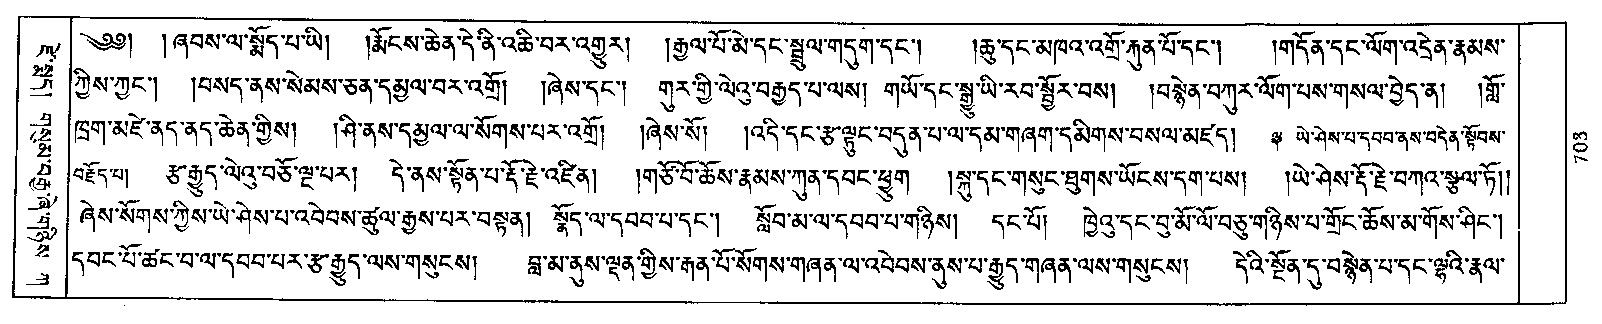༄༅། །ཞབས་ལ་སྨོད་པ་ཡི། །རྨོངས་ཆེན་དེ་ནི་འཆི་བར་འགྱུར། །རྒྱལ་པོ་མེ་དང་སྦྲུལ་གདུག་དང་། །ཆུ་དང་མཁའ་འགྲོ་རྐུན་པོ་དང་། །གདོན་དང་ལོག་འདྲེན་རྣམས་
ཀྱིས་ཀྱང་། །བསད་ནས་སེམས་ཅན་དམྱལ་བར་འགྲོ། །ཞེས་དང་། གུར་གྱི་ལེའུ་བརྒྱད་པ་ལས། གཡོ་དང་སྒྱུ་ཡི་རབ་སྦྱོར་བས། །བསྙེན་བཀུར་ལོག་པས་གསལ་བྱེད་ན། །གློ་
ཁྲག་མཛེ་ནད་ནད་ཆེན་གྱིས། །ཤི་ནས་དམྱལ་ལ་སོགས་པར་འགྲོ། །ཞེས་སོ། །འདི་དང་རྩ་ལྟུང་བདུན་པ་ལ་དམ་གཞག་དམིགས་བསལ་མཛད། ༈ ཡེ་ཤེས་པ་དབབ་ནས་བདེན་སྟོབས་
བརྗོད་པ། རྩ་རྒྱུད་ལེའུ་བཅོ་ལྔ་པར། དེ་ནས་སྟོན་པ་རྡོ་རྗེ་འཛིན། །གཙོ་བོ་ཆོས་རྣམས་ཀུན་དབང་ཕྱུག །སྐུ་དང་གསུང་ཐུགས་ཡོངས་དག་པས། །ཡེ་ཤེས་རྡོ་རྗེ་བཀའ་སྩལ་ཏོ།།
ཞེས་སོགས་ཀྱིས་ཡེ་ཤེས་པ་འབེབས་ཚུལ་རྒྱས་པར་བསྟན། སྣོད་ལ་དབབ་པ་དང་། སློབ་མ་ལ་དབབ་པ་གཉིས། དང་པོ། ཁྱེའུ་དང་བུ་མོ་ལོ་བཅུ་གཉིས་པ་གྲོང་ཆོས་མ་གོས་ཤིང་།
དབང་པོ་ཚང་བ་ལ་དབབ་པར་རྩ་རྒྱུད་ལས་གསུངས། བླ་མ་ནུས་ལྡན་གྱིས་རྒན་པོ་སོགས་གཞན་ལ་འབེབས་ནུས་པ་རྒྱུད་གཞན་ལས་གསུངས། དེའི་སྔོན་དུ་བསྙེན་པ་དང་ལྷའི་རྣལ་